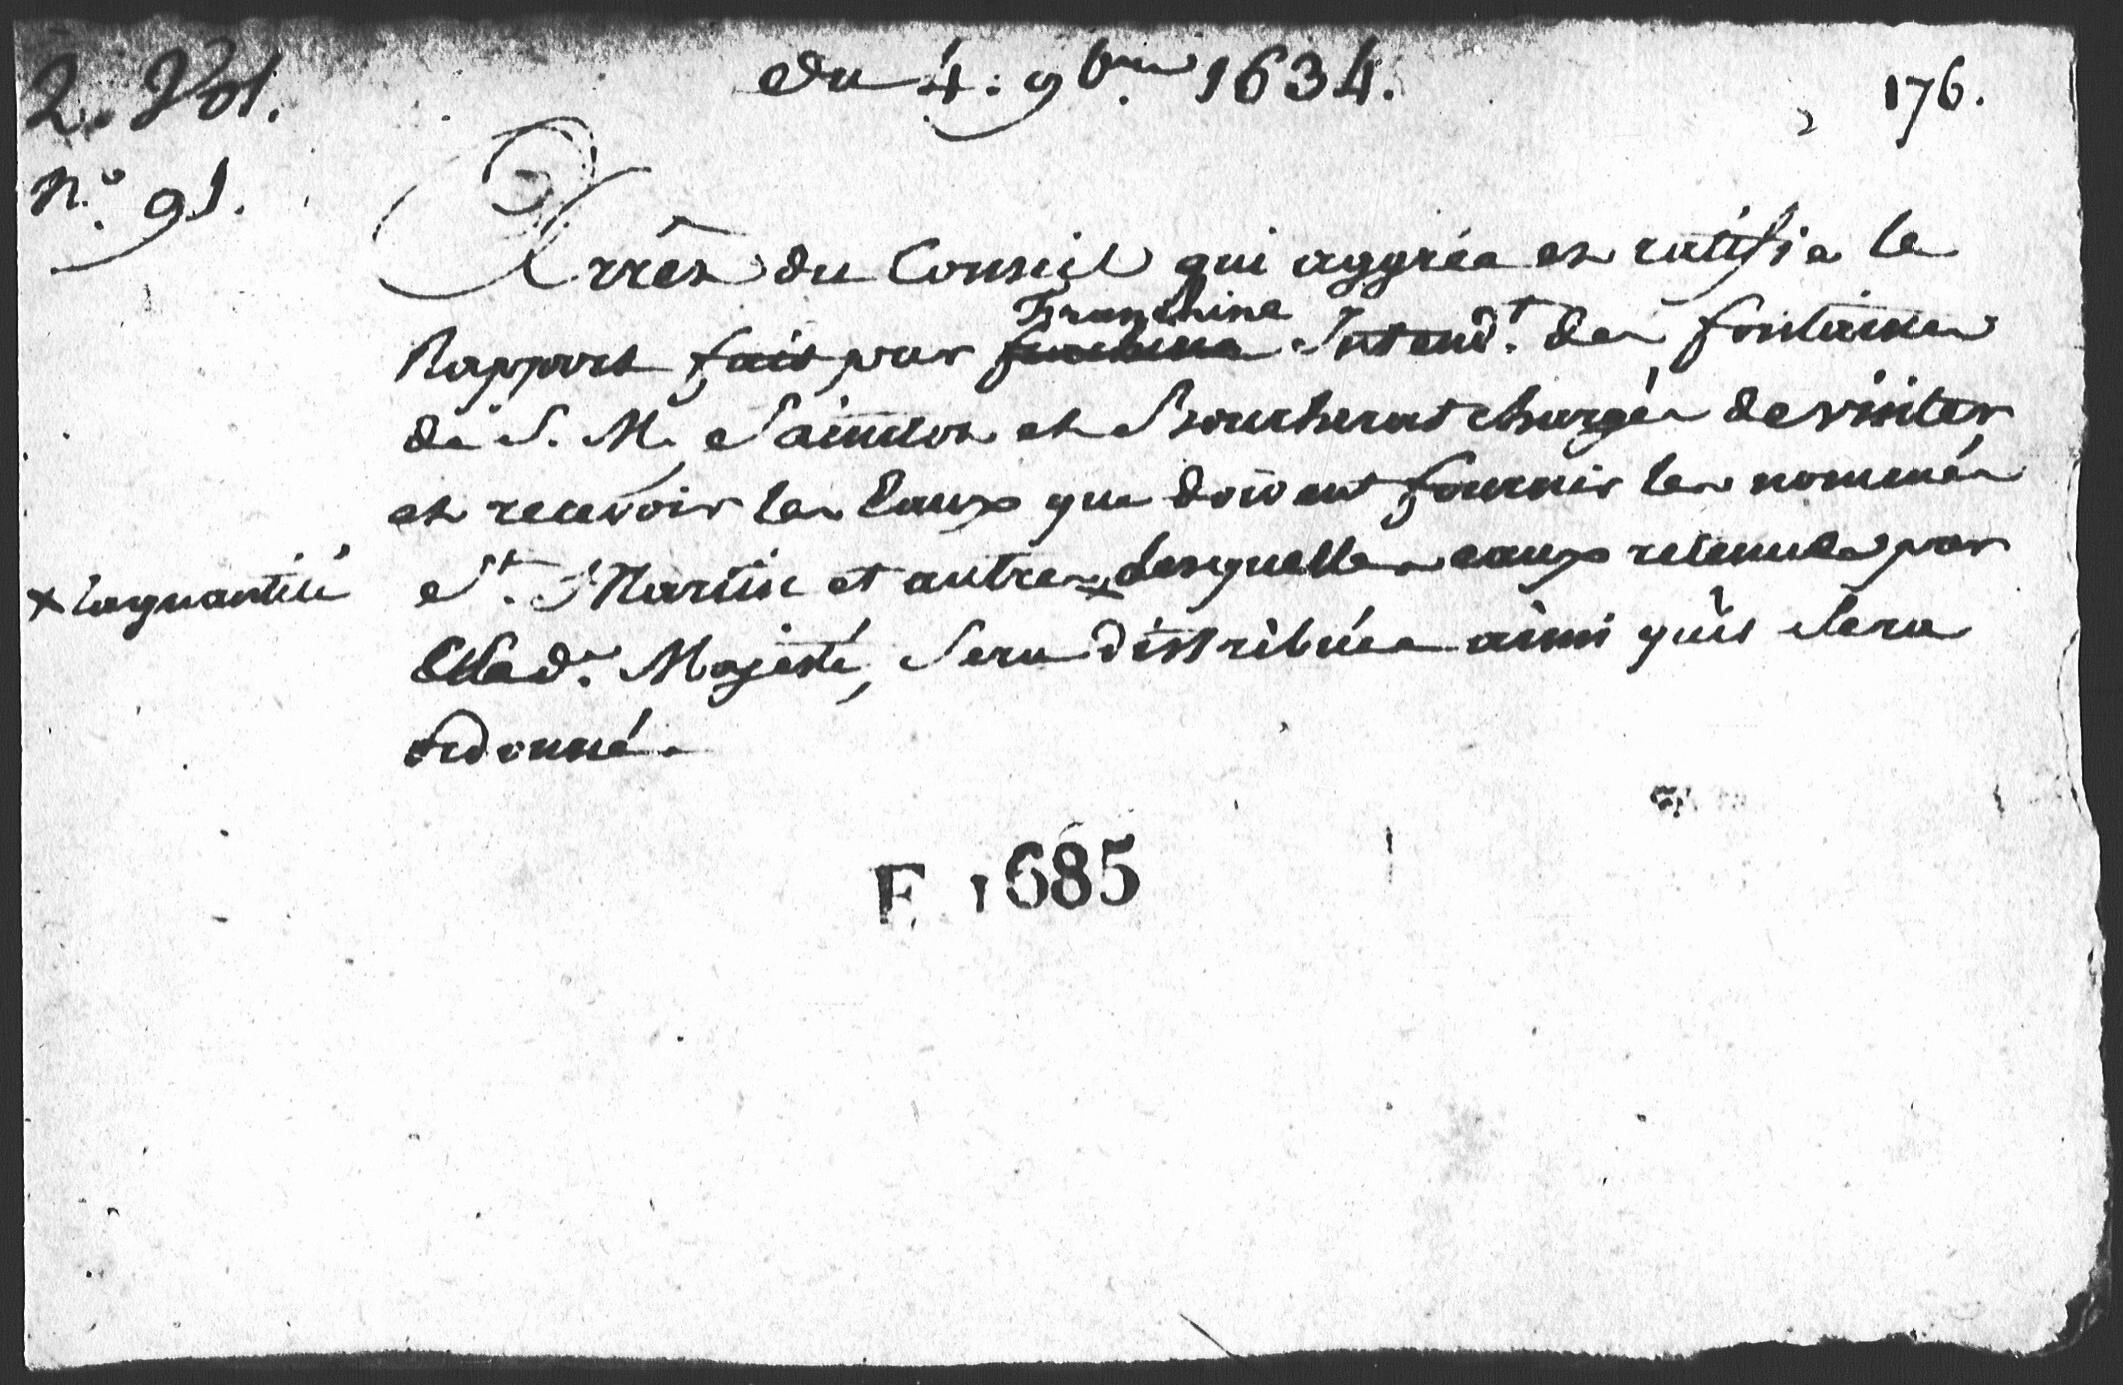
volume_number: n°91
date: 4 novembre 1634
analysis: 176
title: Arrêt du Conseil qui aggrée et ratifie le rapport fait par Franchine intend.t des fontaines de S. M., Sainctot et Boucherat chargés de visiter et recevoir les eaux que doivent fournir les nommés S.t Martin et autres la quantité desquelles eaux retenues par Sad. Majesté, sera distribuée ainsi qu’il sera ordonné.
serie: E
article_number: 1685
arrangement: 2. vol.
